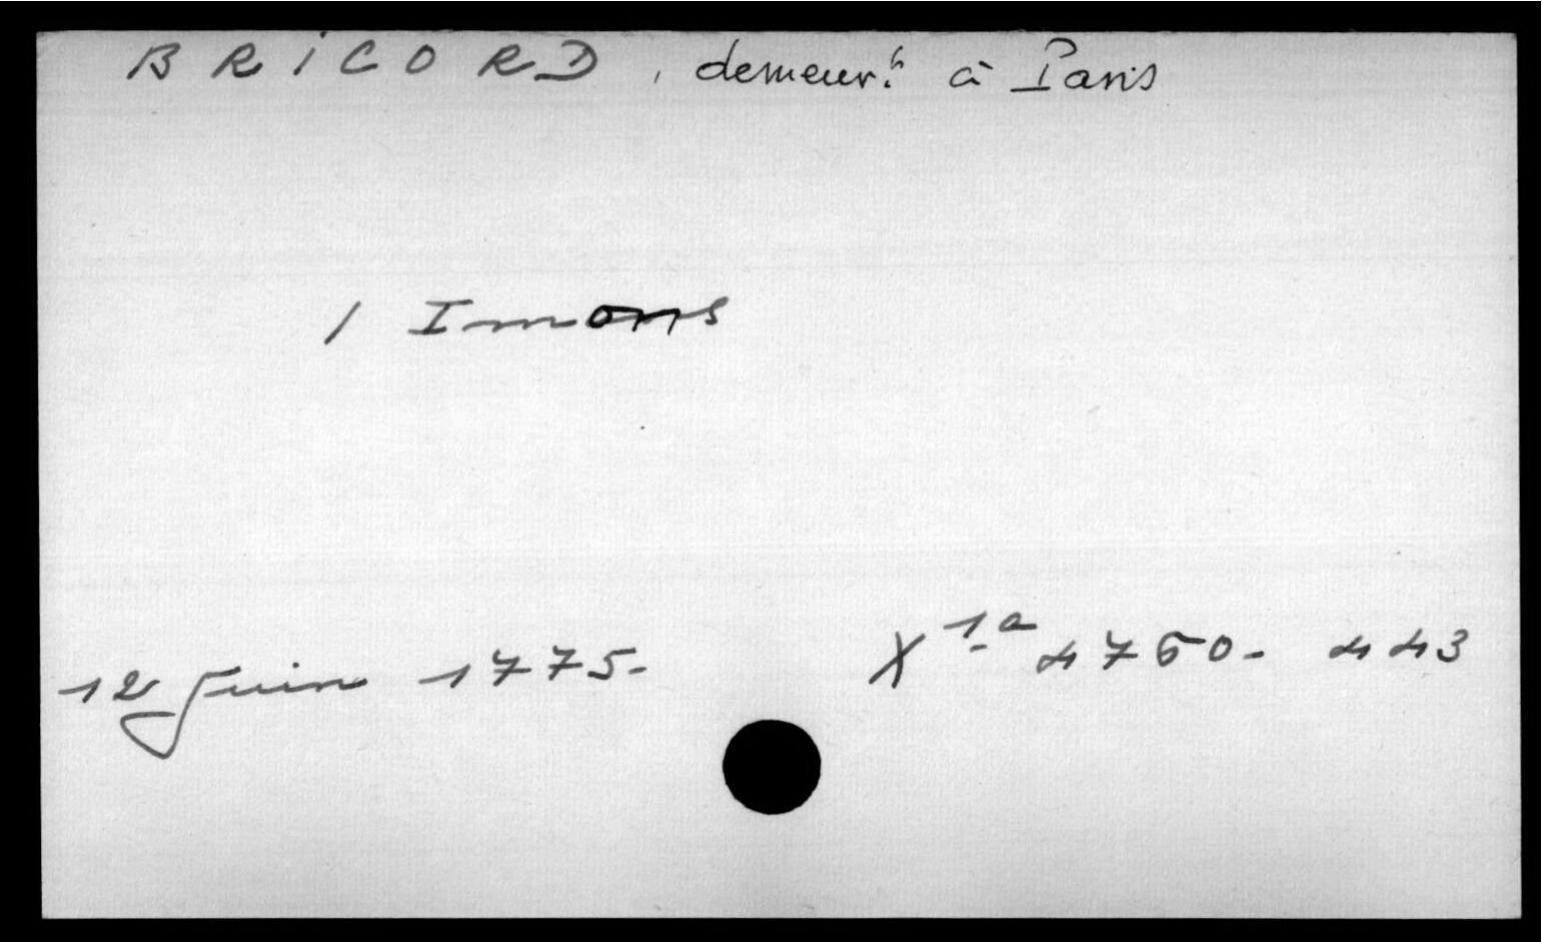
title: BRICORD, demeurant à Paris
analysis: Contre Imons
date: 12 juin 1775
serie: X1A
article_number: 4760
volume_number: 443
